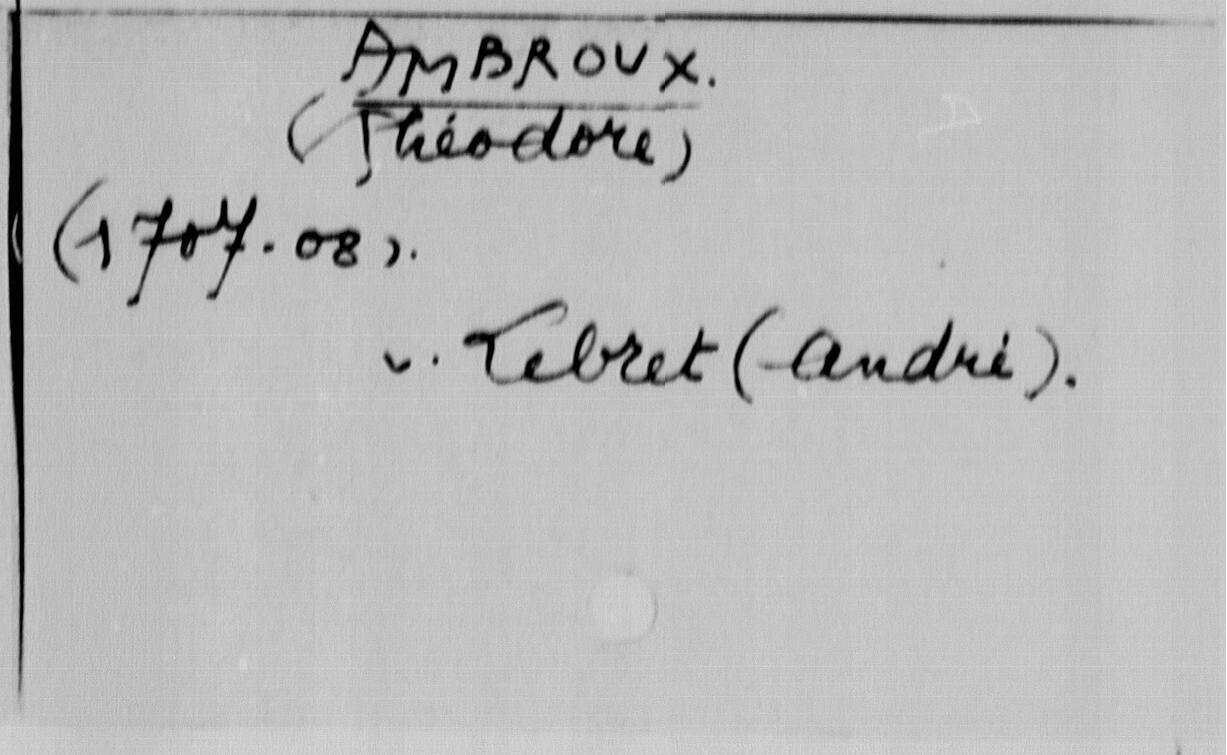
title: AMBROUX (Thérodore)
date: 1707-1708
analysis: Voir LEBRET (André)
